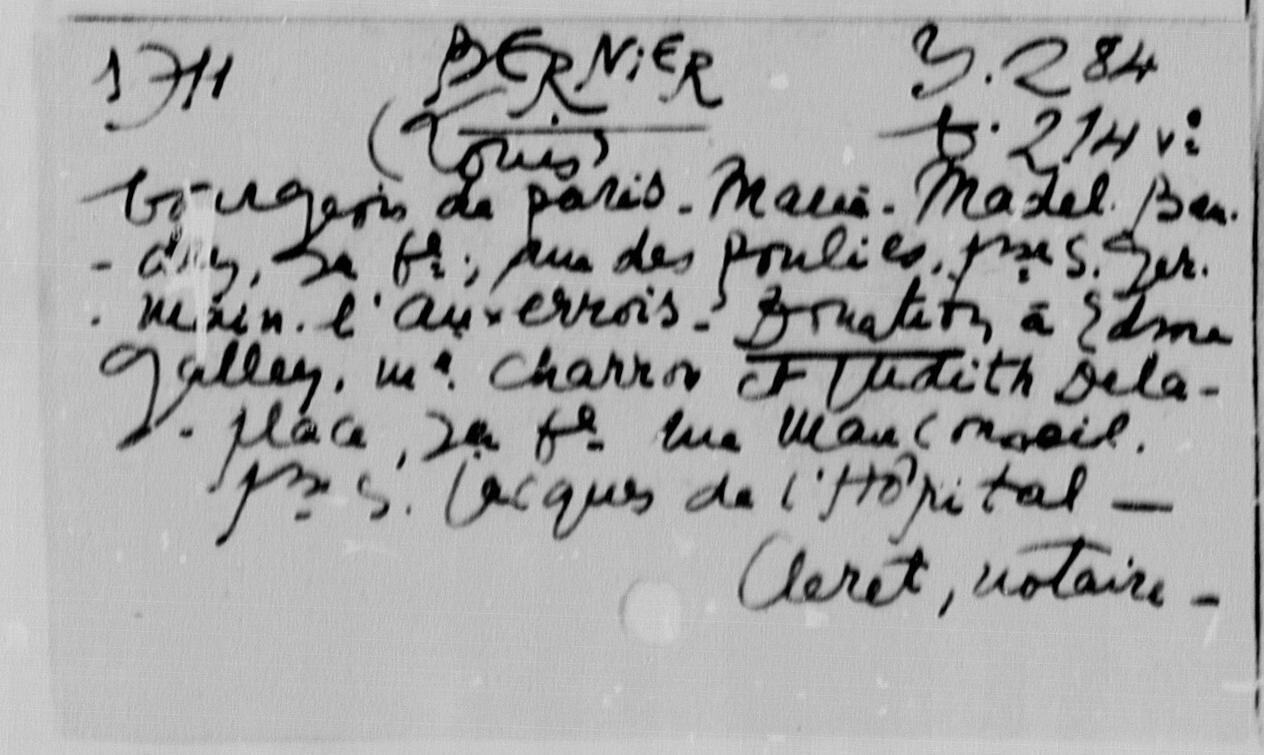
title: BERNIER (Louis)
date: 1711
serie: Y
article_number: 284
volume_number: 214v
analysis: bourgeois de Paris, Marie Madeleine Baudry, sa femme, rue des Poulies, paroisse Saint-Germain-l'Auxerrois. Donation à Edme Galley, maître charron et Judith Delaplace, sa femme, rue Mauconseil, paroisse Saint-Jacques-de l'Hôpital Cleret, notaire.
